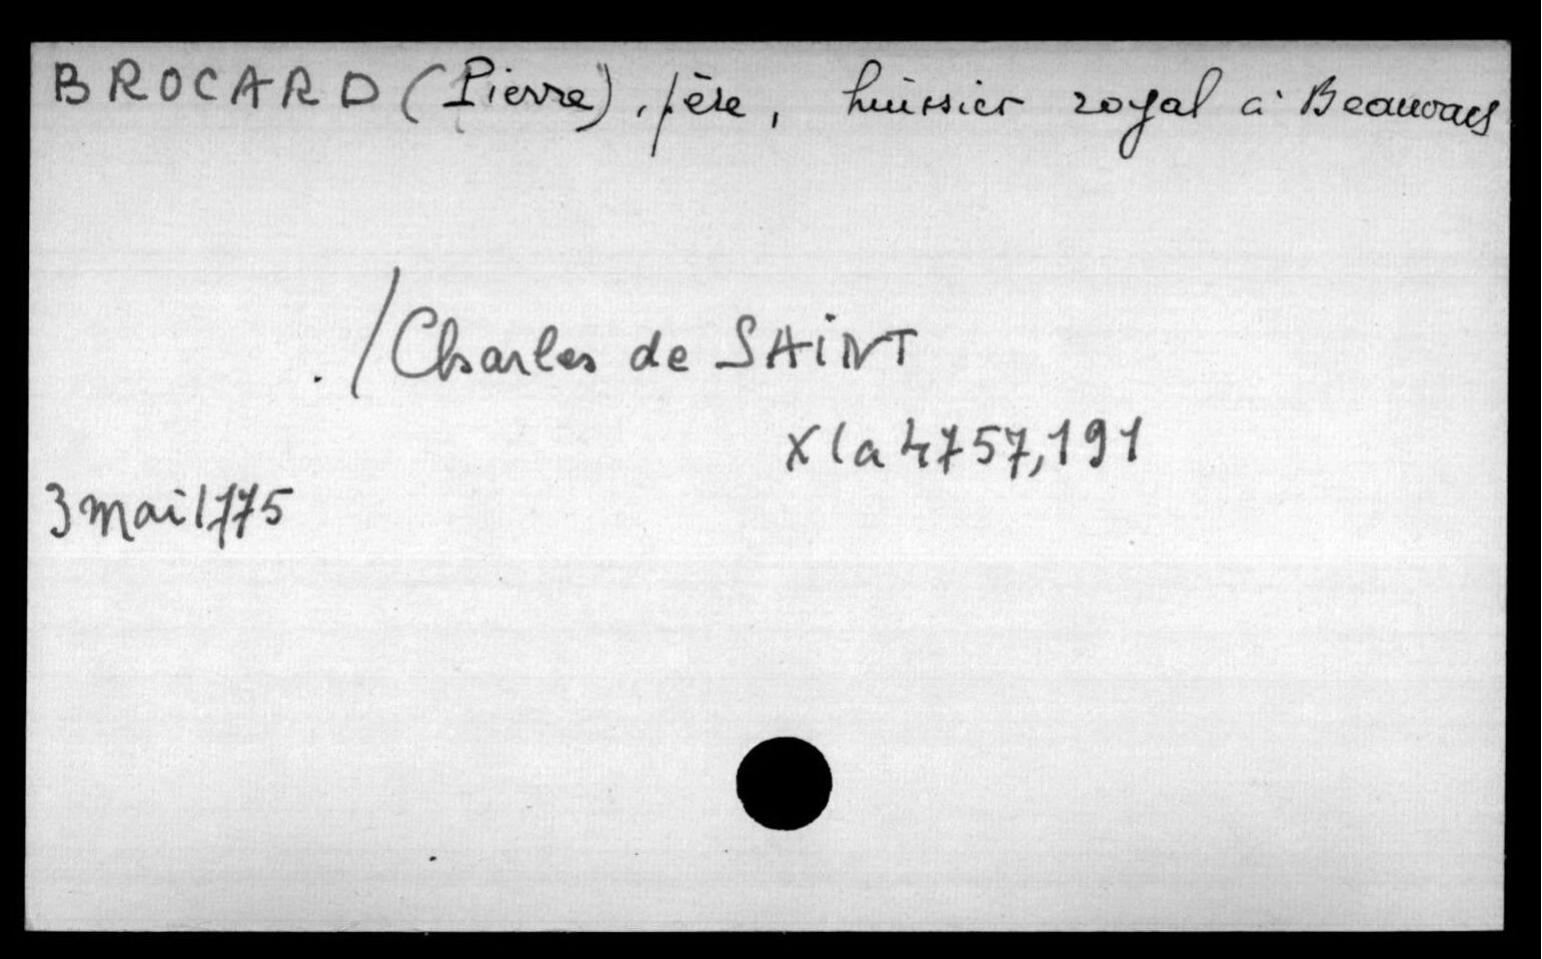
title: BROCARD (Pierre), père, huissier royal à Beauvais
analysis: Contre Charles de SAINT
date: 3 mai 1775
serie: X1a
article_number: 4757
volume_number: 191
